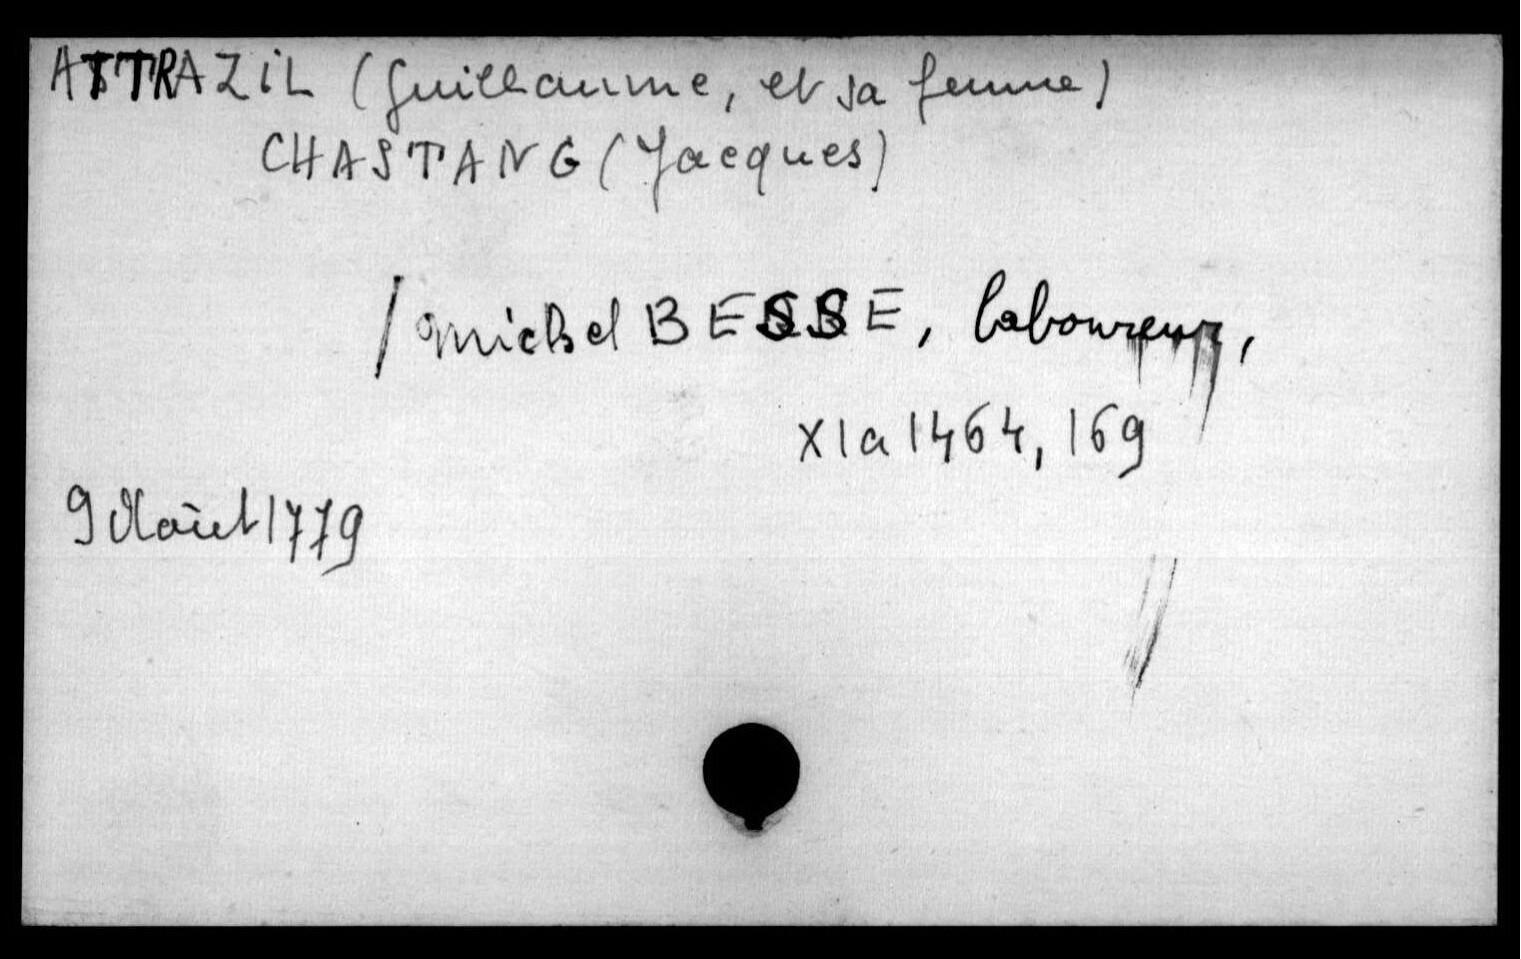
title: ATTRAZIL (Guillaume, et sa femme) CHASTANG (Jacques)
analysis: Contre Michel BESSE, laboureur
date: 9 août 1779
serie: X1a
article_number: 1464
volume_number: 169
